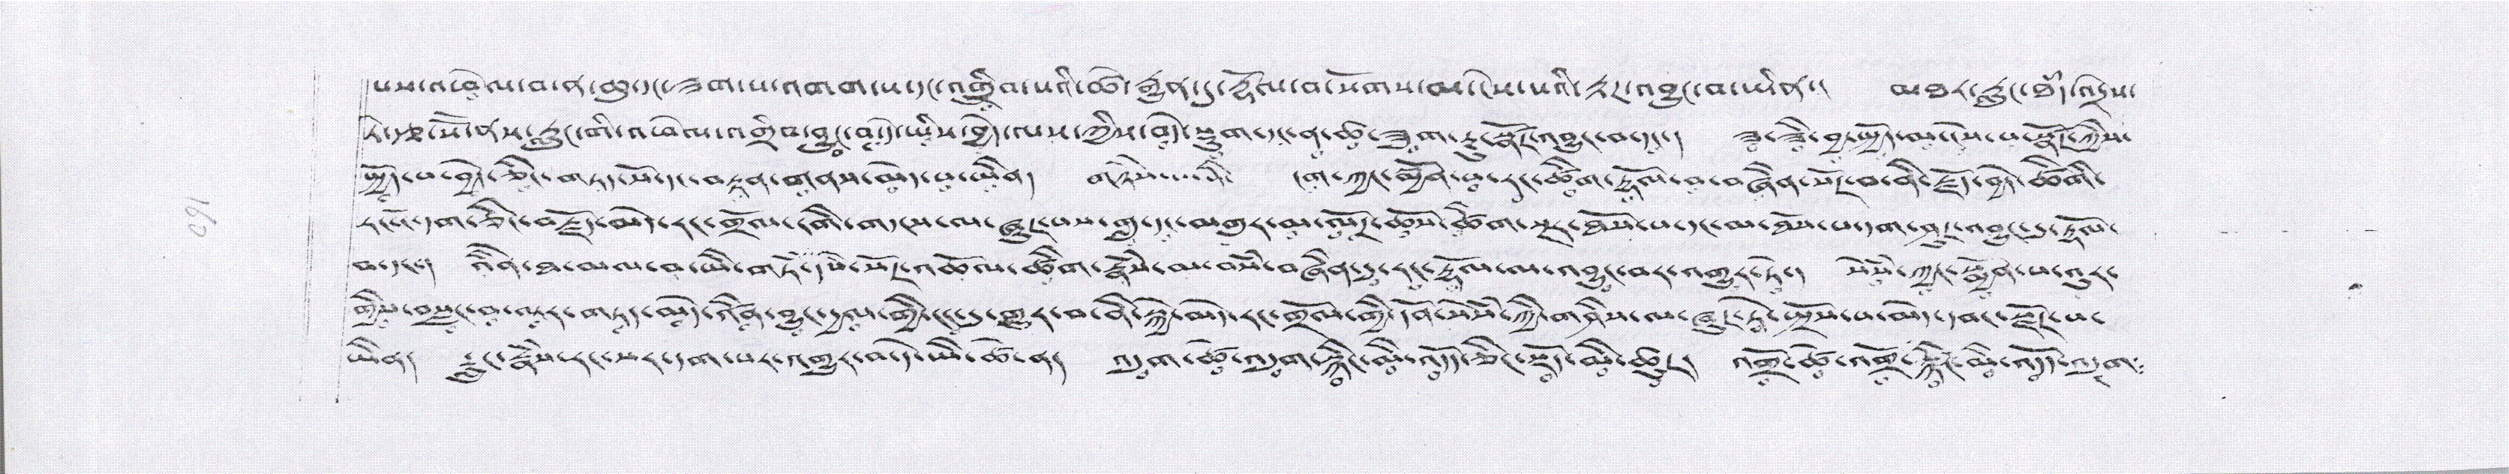པས་འཕེལ་བ་ན་ཆུ་དང་ཟག་པ་འགག་པ་དང་འགྲིབ་པའི་ཚེ་རྒྱུན་དུ་རྡོལ་བ་སོགས་མ་ངེས་པའི་རྟགས་འབྱུང་བ་ཡིན། མཐར་རླུང་ཐམས་ཅད་འདྲེས་
ཏེ་རྩ་སོ་སོ་ནས་རླུང་གི་འཕེལ་འགྲིབ་བྱུང་བ་དེ་ཡི་བྱེད་ལས་ཀྱིས་བདེ་སྡུག་དང་ན་ཚ་ཟུག་རྔུ་སྣ་ཚོགས་འབྱུང་བ་དང་། ཟ་ཟི་བྱ་སྤྱོད་མ་ངེས་པ་སྣ་ཚོགས་ཀྱིས་
སྤྱོད་པ་བྱེད་ཅིང་གཏད་སོ་དང་རྟེན་གནས་མེད་པ་ཡིན། གཉིས་པ་ནི། ངག་ཀྱང་སྨྱོན་པ་རང་ཚིག་རྡོལ་བ་བཞིན་སོང་བ་ནི་རྗོད་བྱེད་ཚིག་གི་
རང་བཞིན་དག་ཅིང་བརྗོད་མེད་རང་གྲོལ་གྱི་གདངས་ལ་ཞུགས་པས་གླུ་དང་མགུར་མ་སོགས་ཆོས་ཚིག་སྔར་ཐོས་པ་དང་མ་ཐོས་པ་དག་ཤུགས་འབྱུང་དུ་རྡོལ་
བ་དང་། འཇིག་རྟེན་ཐ་མལ་པ་ཡི་གཏམ་དཔེ་སོགས་འཆོལ་ཚིག་རྣམས་ལ་བསམ་བཞིན་དུ་རང་རྡོལ་ལ་འབྱུང་བར་འགྱུར་ཏེ། སེམས་ཀྱང་སྨྱོན་པ་འུར་
ཀྱིས་བསླང་བ་ལྟར་གཏད་མེད་འཛིན་༼༽བྱུང་རྒྱལ་གྱི་ངང་དུ་གྱུར་པ་ནི་སྐྱེ་མེད་བྱུང་རྒྱལ་གྱི་ངང་དུ་གྱུར་པ་ནི་སྐྱེ་མེད་རང་གྲོལ་གྱི་དོན་སེམས་ཀྱི་གཤིས་ལ་ཞུགས་ཏེ་སྤྲོས་པ་མེད་དབང་རྫོགས་པ་
ཡིན། རླུང་རྣམས་རང་སར་དག་པར་འགྱུར་བ་དེ་ཡི་ཚེ་ན། འདུག་ཚེ་འདུག་སྙིང་མི་འདོད་ཅིང་སྡོད་མི་ཚུགས། འགྲོ་ཚེ་འགྲོ་སྙིང་མི་འདོད་འདུག་